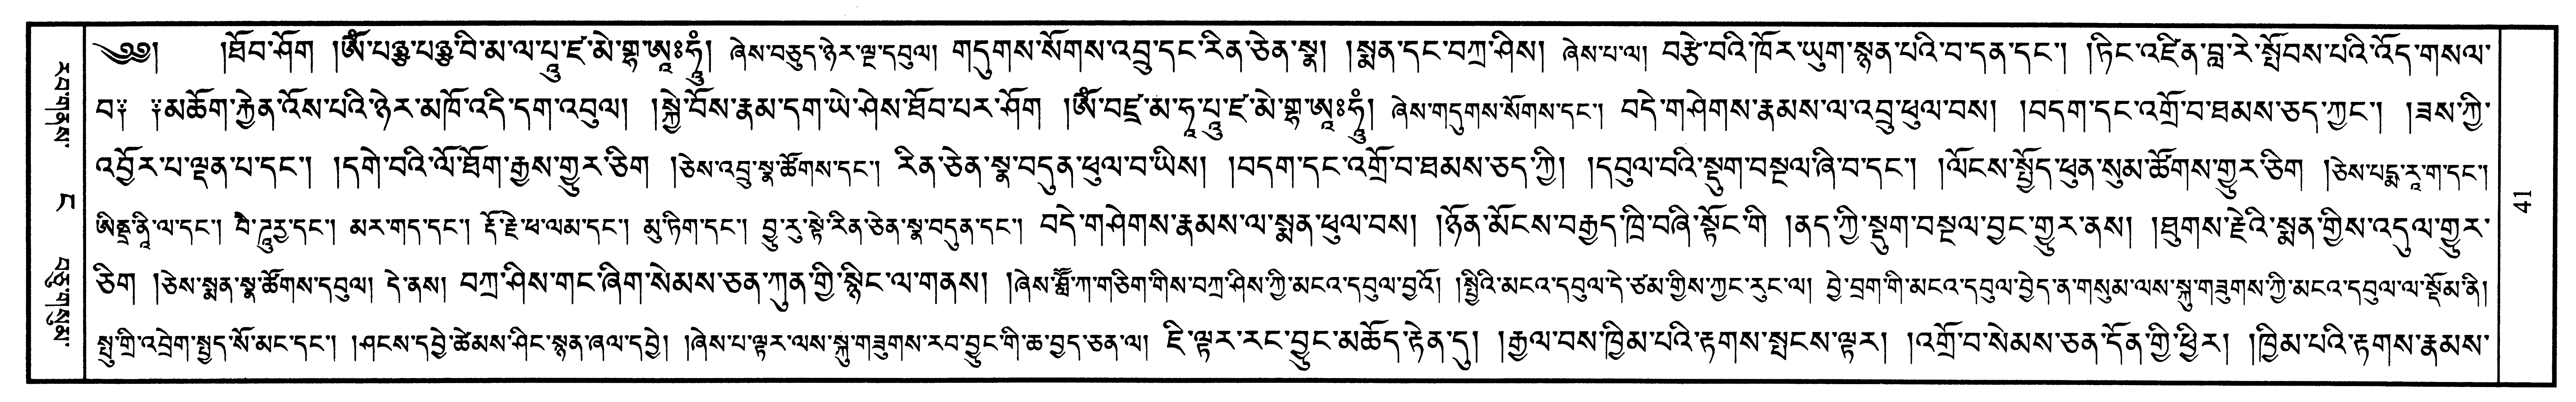༄༅། །ཐོབ་ཤོག །ཨོཾ་པཉྩ་པཉྩ་བི་མ་ལ་པཱུ་ཛ་མེ་གྷ་ཨཱཿ ཧཱུཾ། ཞེས་བཅུད་ཉེར་ལྔ་དབུལ། གདུགས་སོགས་འབྲུ་དང་རིན་ཅེན་སྣ། །སྨན་དང་བཀྲ་ཤིས། ཞེས་པ་ལ། བརྩེ་བའི་འཁོར་ཡུག་སྙན་པའི་བ་དན་དང་། །ཏིང་ངེ་འཛིན་བླ་རེ་སྤོབས་པའི་འོད་གསལ་
བ༑ ༑མཆོག་རྐྱེན་འོས་པའི་ཉེར་མཁོ་འདི་དག་འབུལ། །སྐྱེ་བོས་རྣམ་དག་ཡེ་ཤེས་ཐོབ་པར་ཤོག །ཨོཾ་བཛྲ་མ་ཧཱ་པཱུ་ཛ་མེ་གྷ་ཨཱཿ ཧཱུཾ། ཞེས་གདུགས་སོགས་དང་། བདེ་གཤེགས་རྣམས་ལ་འབྲུ་ཕུལ་བས། །བདག་དང་འགྲོ་བ་ཐམས་ཅད་ཀྱང་། །ཟས་ཀྱི་
འབྱོར་པ་ལྡན་པ་དང་། །དགེ་བའི་ལོ་ཐོག་རྒྱས་གྱུར་ཅིག །ཅེས་འབྲུ་སྣ་ཚོགས་དང་། རིན་ཅེན་སྣ་བདུན་ཕུལ་བ་ཡིས། །བདག་དང་འགྲོ་བ་ཐམས་ཅད་ཀྱི། །དབུལ་བའི་སྡུག་བསྔལ་ཞི་བ་དང་། །ལོངས་སྤྱོད་ཕུན་སུམ་ཚོགས་གྱུར་ཅིག །ཅེས་པདམ་རཱ་ག་དང་།
ཨིནྡྲ་ནཱི་ལ་དང་། བཻ་ཌཱུརྱ་དང་། མར་གད་དང་། རྡོ་རྗེ་ཕ་ལམ་དང་། །མུ་ཏིག་དང་། བྱུ་རུ་སྟེ་རིན་ཅེན་སྣ་བདུན་དང་། བདེ་གཤེགས་རྣམས་ལ་སྨན་ཕུལ་བས། །ཉོན་མོངས་བརྒྱད་ཁྲི་བཞི་སྟོང་གི །ནད་ཀྱི་སྡུག་བསྔལ་བྱང་གྱུར་ནས། །ཐུགས་རྗེའི་སྨན་གྱིས་འདུལ་གྱུར་
ཅིག །ཅེས་སྨན་སྣ་ཚོགས་དབུལ། དེ་ནས། བཀྲ་ཤིས་གང་ཞིག་སེམས་ཅན་ཀུན་གྱི་སྙིང་ལ་གནས། །ཞེས་ཤླཽ་ཀ་གཅིག་གིས་བཀྲ་ཤིས་ཀྱི་མངའ་དབུལ་བྱའོ། །སྤྱིའི་མངའ་དབུལ་དེ་ཙམ་གྱིས་ཀྱང་རུང་ལ། བྱེ་བྲག་གི་མངའ་དབུལ་བྱེད་ན་གསུམ་ལས་སྐུ་གཟུགས་ཀྱི་མངའ་དབུལ་ལ་སྡོམ་ནི།
སྤུ་གྲི་འབྲེག་སྤྱད་སོ་མང་དང་། །ཤངས་དབྱེ་ཚེམས་ཤིང་སྙན་ཞལ་དབྱེ། །ཞེས་པ་ལྟར་ལས་སྐུ་གཟུགས་རབ་བྱུང་གི་ཆ་བྱད་ཅན་ལ། ཇི་ལྟར་རང་བྱུང་མཆོད་རྟེན་དུ། །རྒྱལ་བས་ཁྱིམ་པའི་རྟགས་སྤངས་ལྟར། །འགྲོ་བ་སེམས་ཅན་དོན་གྱི་ཕྱིར། །ཁྱིམ་པའི་རྟགས་རྣམས་